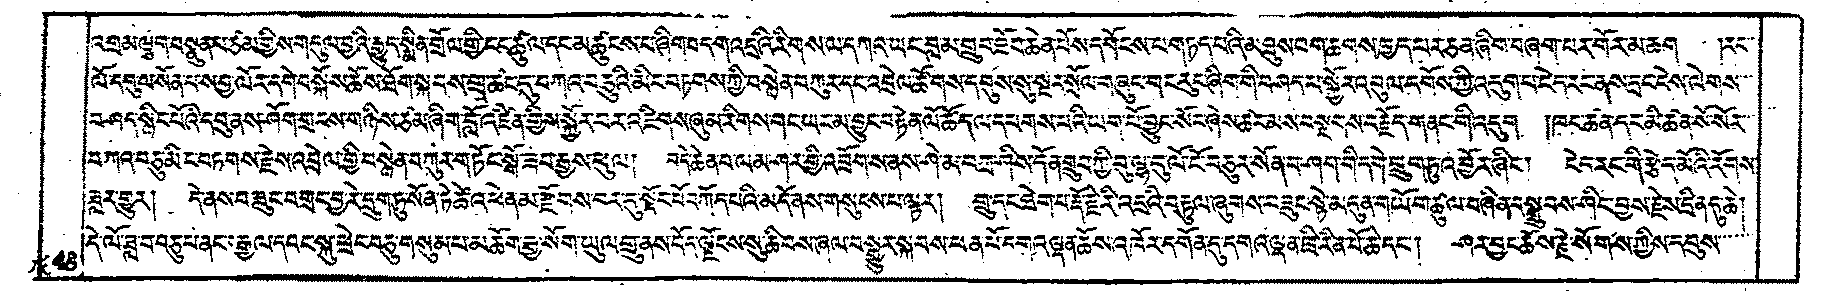འགྲམ་ལྕག་བསྣུན་པ་ཙམ་གྱིས་གདུལ་བྱའི་རྒྱུད་སྨིན་གྲོལ་གྱི་ངང་ཚུལ་དང་མཚུངས་པ་ཞིག་བདག་འདྲའི་རིགས་ལ་དཀའ་ཡང་བླ་མ་གྲུབ་ཐོབ་ཆེན་པོས་དགོངས་པ་གཏད་པའི་མཐུས་བག་ཆགས་ཁྱད་པར་ཅན་ཞིག་བཞག་པར་གོར་མ་ཆག །རང་
ལོ་དགུ་ལ་སོན་པ་ས་བྱ་ལོར་དགེ་བསྐོས་ཆོས་ཐོག་སྐབས་གྲྭ་ཚང་དུ་བཀའ་བཅུའི་མིང་བཏགས་ཀྱི་བསྙེན་བཀུར་དང་འབྲེལ་ཚོགས་དབུས་སུ་སྔར་སྲོལ་གཞུང་གང་རུང་ཞིག་གི་བཤད་པ་སྐྱོར་འབུལ་དགོས་ཀྱི་འདུག་པ་ངེད་རང་ནས་དྲང་ངེས་ལེགས་
བཤད་སྙིང་པོའི་དབུ་ནས་ཤོག་གྲངས་གཉིས་ཙམ་ཞིག་བློ་འཛིན་གྱིས་སྐྱོར་བར་འཇིགས་ཞུམ་རིགས་གང་ཡང་མ་བྱུང་བརྟེན་ལོ་ཚོད་ལ་དཔགས་པའི་ཡག་པོ་བྱུང་སོང་ཞེས་ཚང་མས་བསྔགས་བརྗོད་གནང་གི་འདུག །ཁང་ཚན་དང་མི་ཚན་སོ་སོར་
བཀའ་བཅུ་མིང་བཏགས་རྗེས་འབྲེལ་གྱི་བསྙེན་བཀུར་གཏོང་སྒོ་ཟབ་རྒྱས་ཕུལ། བདེ་ཆེན་བ་ལམ་ཤར་གྱི་འབྲོག་ས་ནས་ཤེ་མ་བཀྲ་ཤིས་དོན་གྲུབ་ཀྱི་བུ་ལྷ་བུ་ལོ་ངོ་བཅུར་སོན་པ་ཤག་གི་དགེ་ཕྲུག་ཏུ་འབྱོར་ཞིང་། ངེད་རང་གི་རྩེད་མོའི་རོགས་
ཟླར་གྱུར། དེ་ནས་བཟུང་བགྲང་བྱ་རེ་དྲུག་ཏུ་སོན་ཏེ་ཚེ་འཕེན་མ་རྫོགས་བར་དུ་སྡོང་པོ་བཀོད་པའི་མདོ་ནས་གསུངས་པ་ལྟར། གྲུ་དང་ཐེག་པ་རྡོ་རྗེ་རི་འདྲའི་བརྟུལ་ཞུགས་བཟུང་སྟེ་མདུན་གཡོག་ཚུལ་བཞིན་བསྒྲུབས་ཤིང་བྱས་རྗེས་དྲིན་དུ་ཆེ།
དེ་ལོ་ཟླ་བ་བཅུ་པ་ནང ༧རྒྱལ་དབང་སྐུ་ཕྲེང་བཅུ་གསུམ་པ་མཆོག་རྒྱ་སོག་ཡུལ་གྲུ་ནས་བོད་ལྗོངས་སུ་ཆིབས་ཞལ་བསྒྱུར་སྐབས་ཕན་པོ་དགའ་ལྡན་ཆོས་འཁོར་དགོན་དུ་དགའ་ལྡན་ཁྲི་རིན་པོ་ཆེ་དང་། ཤར་བྱང་ཆོས་རྗེ་སོགས་ཀྱིས་དབུས་